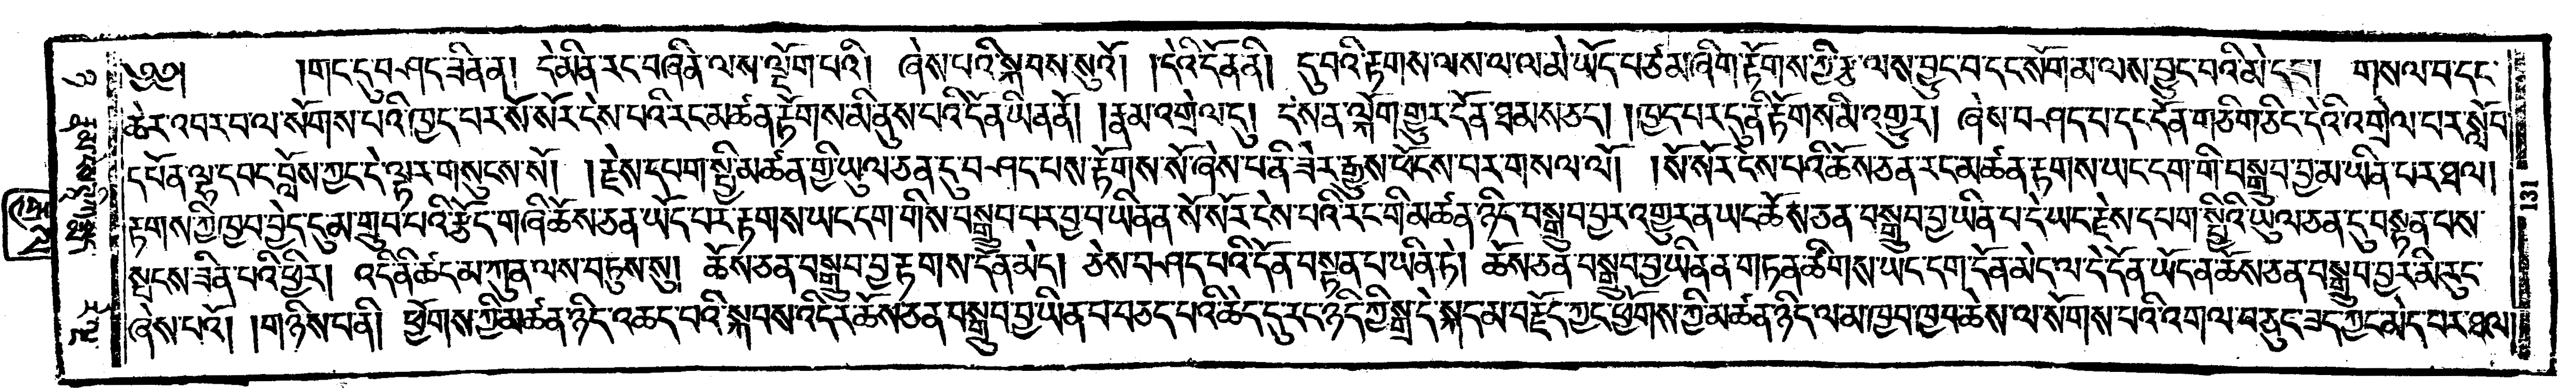༄༅། །གང་དུ་བཤད་ཟིན་ན། དེ་མིན་རང་བཞིན་ལས་ལྡོག་པའི། ཞེས་པའི་སྐབས་སུའོ། །དེའི་དོན་ནི། དུ་བའི་རྟགས་ལས་ལ་ལ་མེ་ཡོད་པ་ཙམ་ཞིག་རྟོགས་ཀྱི་རྩ་ལས་བྱུང་བ་དང་སོག་མ་ལས་བྱུང་བའི་མེ་དང་། གསལ་བ་དང་
ཆེར་འབར་བ་ལ་སོགས་པའི་ཁྱད་པར་སོ་སོར་དེས་པའི་རང་མཚན་རྟོགས་མི་ནུས་པའི་དོན་ཡིན་ནོ། །རྣམ་འགྲེལ་དུ། ངེས་ན་ལྐོག་གྱུར་དོན་ཐམས་ཅད། །ཁྱད་པར་དུ་ནི་རྟོགས་མི་འགྱུར། ཞེས་བཤད་པ་དང་དོན་གཅིག་ཅིང་དེའི་འགྲེལ་པར་སློབ་
དཔོན་ལྷ་དབང་བློས་ཀྱང་དེ་ལྟར་གསུངས་སོ། །རྗེས་དཔག་སྤྱི་མཚན་གྱི་ཡུལ་ཅན་དུ་བཤད་པས་རྟོགས་སོ་ཞེས་པ་ནི་ཟེར་རྒྱུས་ཕོངས་པར་གསལ་ལོ། །སོ་སོར་ངེས་པའི་ཆོས་ཅན་རང་མཚན་རྟགས་ཡང་དག་གི་བསྒྲུབ་བྱ་མ་ཡིན་པར་ཐལ།
རྟགས་ཀྱི་ཁྱབ་བྱེད་དུ་མ་གྲུབ་པའི་རྩོད་གཞི་ཆོས་ཅན་ཡོད་པར་རྟགས་ཡང་དག་གིས་བསྒྲུབ་པར་བྱ་བ་ཡིན་ན་སོ་སོར་ངེས་པའི་རང་གི་མཚན་ཉིད་བསྒྲུབ་བྱར་འགྱུར་ན་ཡང་ཆོས་ཅན་བསྒྲུབ་བྱ་ཡིན་པ་དེ་ཡང་རྗེས་དཔག་སྤྱིའི་ཡུལ་ཅན་དུ་བསྟན་པས་
སྤངས་ཟིན་པའི་ཕྱིར། འདི་ནི་ཚད་མ་ཀུན་ལས་བཏུས་སུ། ཆོས་ཅན་བསྒྲུབ་བྱ་རྟགས་དོན་མེད། ཅེས་བཤད་པའི་དོན་བསྟན་པ་ཡིན་ཏེ། ཆོས་ཅན་བསྒྲུབ་བྱ་ཡིན་ན་གཏན་ཚིགས་ཡང་དག་དོན་མེད་ལ་དེ་དོན་ཡོད་ན་ཆོས་ཅན་བསྒྲུབ་བྱར་མི་རུང་
ཞེས་པའོ། །གཉིས་པ་ནི། ཕྱོགས་ཀྱི་མཚན་ཉིད་འཆད་པའི་སྐབས་འདིར་ཆོས་ཅན་བསྒྲུབ་བྱ་ཡིན་པ་བཅད་པའི་ཆེད་དུ་རང་ཉིད་ཀྱི་སྒྲ་དེ་སྐད་མ་བརྗོད་ཀྱང་ཕྱོགས་ཀྱི་མཚན་ཉིད་ལ་མ་ཁྱབ་ཁྱབ་ཆེས་ལ་སོགས་པའི་འགལ་བ་ཅུང་ཟད་ཀྱང་མེད་པར་ཐལ་